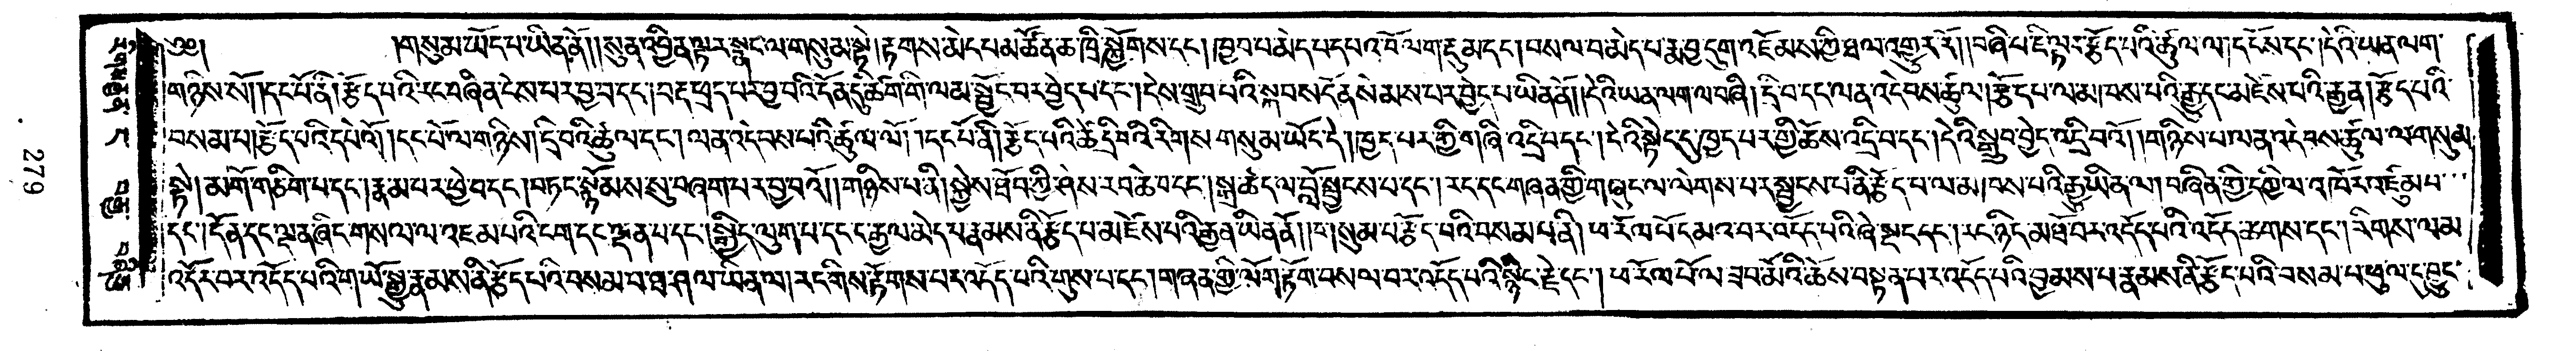༄༅། །གསུམ་ཡོད་པ་ཡིན་ནོ། །སུན་འབྱིན་ལྟར་སྣང་ལ་གསུམ་སྟེ། རྟགས་མེད་པ་མཚོན་ཆ་ཁྲི་སྐྱོགས་དང་། ཁྱབ་པ་མེད་པ་དཔའ་བོ་ལག་རྡུམ་དང་། བསལ་བ་མེད་པ་རྨ་བྱ་དུག་འཇོམས་ཀྱི་ཐལ་འགྱུར་རོ། །བཞི་པ་ཇི་ལྟར་རྩོད་པའི་ཚུལ་ལ། དངོས་དང་། དེའི་ཡན་ལག་
གཉིས་སོ། །དང་པོ་ནི། རྩོད་པའི་རང་བཞན་ངེས་པར་བྱ་བ་དང་། བརྡ་ཕྲད་པར་བྱ་བའི་དོན་དུ་ཚིག་གི་ལམ་སྦྱོང་བར་བྱེད་པ་དང་། དེས་གྲུབ་པའི་སྐབས་དོན་སེམས་པར་བྱེད་པ་ཡིན་ནོ། །དེའི་ཡན་ལག་ལ་བཞི། དྲི་བ་དང་ལན་འདེབས་ཚུལ། རྩོད་པ་ལ་མཁས་པའི་རྒྱུ་དང་མཛེས་པའི་རྒྱན། རྩོད་པའི་
བསམ་པ། རྩོད་པའི་དཔེའོ། །དང་པོ་ལ་གཉིས། དྲི་བའི་ཚུལ་དང་། ལན་འདེབས་པའི་ཚུལ་ལོ། །དང་པོ་ནི། རྩོད་པའི་ཚེ་དྲི་བའི་རིགས་གསུམ་ཡོད་དེ། ཁྱད་པར་གྱི་གཞི་འདྲི་བ་དང་། དེའི་སྟེང་དུ་ཁྱད་པར་གྱི་ཆོས་འདྲི་བ་དང་། དེའི་སྒྲུབ་བྱེད་འདྲི་བའོ། །གཉིས་པ་ལན་འདེབས་ཚུལ་ལ་གསུམ་
སྟེ༑ མགོ་གཅིག་པ་དང་། རྣམ་པར་ཕྱེ་བ་དང་། བཏང་སྙོམས་སུ་བཞག་པར་བྱ་བའོ། །གཉིས་པ་ནི། སྐྱེས་ཐོབ་ཀྱི་ཤེས་རབ་ཆེ་བ་དང་། སྒྲ་ཚད་ལ་བློ་སྦྱངས་པ་དང་། རང་དང་གཞན་གྱི་གཞུང་ལ་ལེགས་པར་སྦྱངས་པ་ནི་རྩོད་པ་ལ་མཁས་པའི་རྒྱུ་ཡིན་ལ། བཞིན་གྱི་དཀྱིལ་འཁོར་འཛུམ་པ་
དང༑ དོན་དང་ལྡན་ཞིང་གསལ་ལ་འཇམ་པའི་ངག་དང་ལྡན་པ་དང་། སྒྱིད་ལུག་པ་དང་ང་རྒྱལ་མེད་པ་རྣམས་ནི་རྩོད་པ་མཛེས་པའི་རྒྱན་ཡིན་ནོ། །གསུམ་པ་རྩོད་པའི་བསམ་པ་ནི། ཕ་རོལ་པོ་དམའ་བར་འདོད་པའི་ཞེ་སྡང་དང་། རང་ཉིད་མཐོ་བར་འདོད་པའི་འདོད་ཆགས་དང་། རིགས་ལམ་
འདོར་བར་འདོད་པའི་གཡོ་སྒྱུ་རྣམས་ནི་རྩོད་པའི་བསམ་པ་ཐ་ཤལ་ཡིན་ལ། རང་གིས་རྟོགས་པར་འདོད་པའི་གུས་པ་དང་། གཞན་གྱི་ལོག་རྟོག་བསལ་བར་འདོད་པའི་སྙིང་རྗེ་དང་། ཕ་རོལ་པོ་ལ་ཟབ་མོའི་ཆོས་བསྟན་པར་འདོད་པའི་བྱམས་པ་རྣམས་ནི་རྩོད་པའི་བསམ་པ་ཕུལ་དུ་བྱུང་